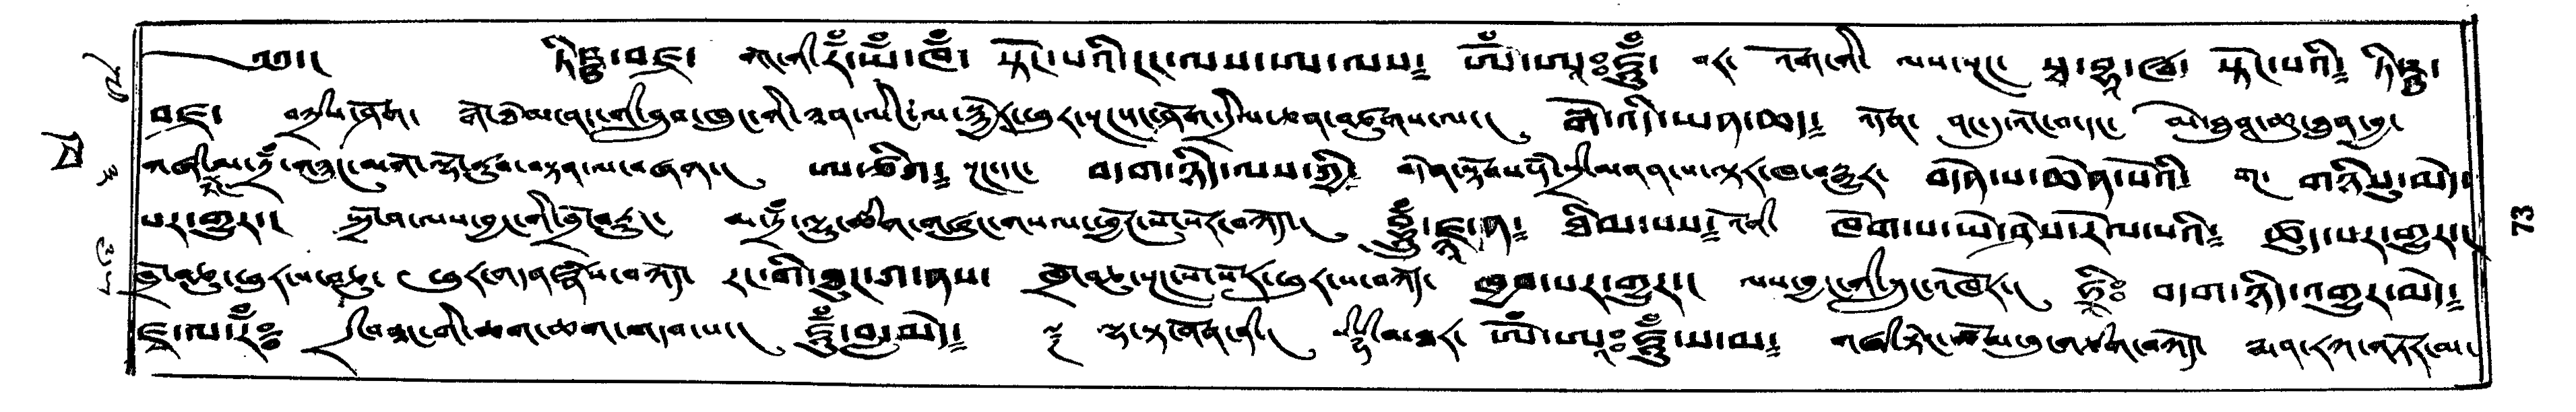ཏིཥྛ་བཛྲ། གོང་གི། རྃ་ཡྃ་ཁྃ། སྟོང་པའི་ངང་ལས་ཨ་ལས༴ ཨོཾ་ཨཱཿཧཱུྃ། བར། འོག་གི། ལས་སྔགས། སྭ་བྷཱ་ཝ། སྟོང་པའི༴ ཏིཥྛ་
བཛྲ། བཀྲ་ཤིས་ཤོག སྒོ་ཐེམ་ནང་གི་གྲུབ་ཁུང་གི་ཟན་ལིང་ལ་སྐྱེར་ཕུར་སྔགས་ཤོག་དྲིལ་ཅན་བཙུགས་ལ། སྒོ་འདི་ཡན་ཆད༴ འདོན། ནང་དུ་འོང་བ་དང་། མེ་ཐུན་ཆུ་ཐུན་བྱ། 
གཞི་སྟེང་མ་ཏྲྃ་གཟུགས་མགོ་ལྷོ་ནུབ་ཏུ་བསྟན་ལ་བཞག ཨ་ཙིག༴ སྔགས་དང་། བདག་ཉིད་ལས་ཀྱི༴བདེན་སྟོབས་དམ་སྲི་མནན་པ་ལྟར་ཁ་བསྒྱུར། བདེན་པ་ཆེན་པོའི༴ སོགས། གཉིས་སུ་མེད་
པར་གྱུར། སྤྲོ་ན་ལས་བྱང་གི་བྲོ་བརྡུང་། མ་ཏྲྃ་ལྷུ་ཚིགས་གཞུང་གསལ་ལྟར་ཕྱོགས་སོ་སོར་བཀོད། ཧཱུྃ་ཛྙ་ན༴ ཐིམ་པས༴ འོག་གི། ཁོག་པ་ཡེ་ཤེས་རོལ་པའི༴ ཚུད་པར་གྱུར། 
ཁྲོ་བཅུ་འཕུར་པ་བཅུ། ཕུར་གདན་རྣམས་བཀོད། རང་གི་ཐུགས་ཀ་ནས། ཁྲ ོ་བཅུ་སྔགས་སོ་སོར་ཕུར་པ་བཀོད། ཁྱབ་པར་གྱུར། ལས་བྱང་གི་སྲུང་འཁོར། ཧྲཱིཿ བདག་ཉིད་འགྱུར་མེད༴ 
ཛྭ་ལ་རྃ༔ དྲི་བཟང་གིས་ཆག་ཆག་གདབ། ཧཱུྃ་བླ་མེད༴ ༈ ལྷ་སྟ་གོན་ནི། ཨོཾ་ཨཱཿཧཱུྃ་ས་མ༴ གཞི་སྟེང་ཚོམ་བུ་གཅིག་བཀོད། སྨན་རཀ་གཏོར་མ་